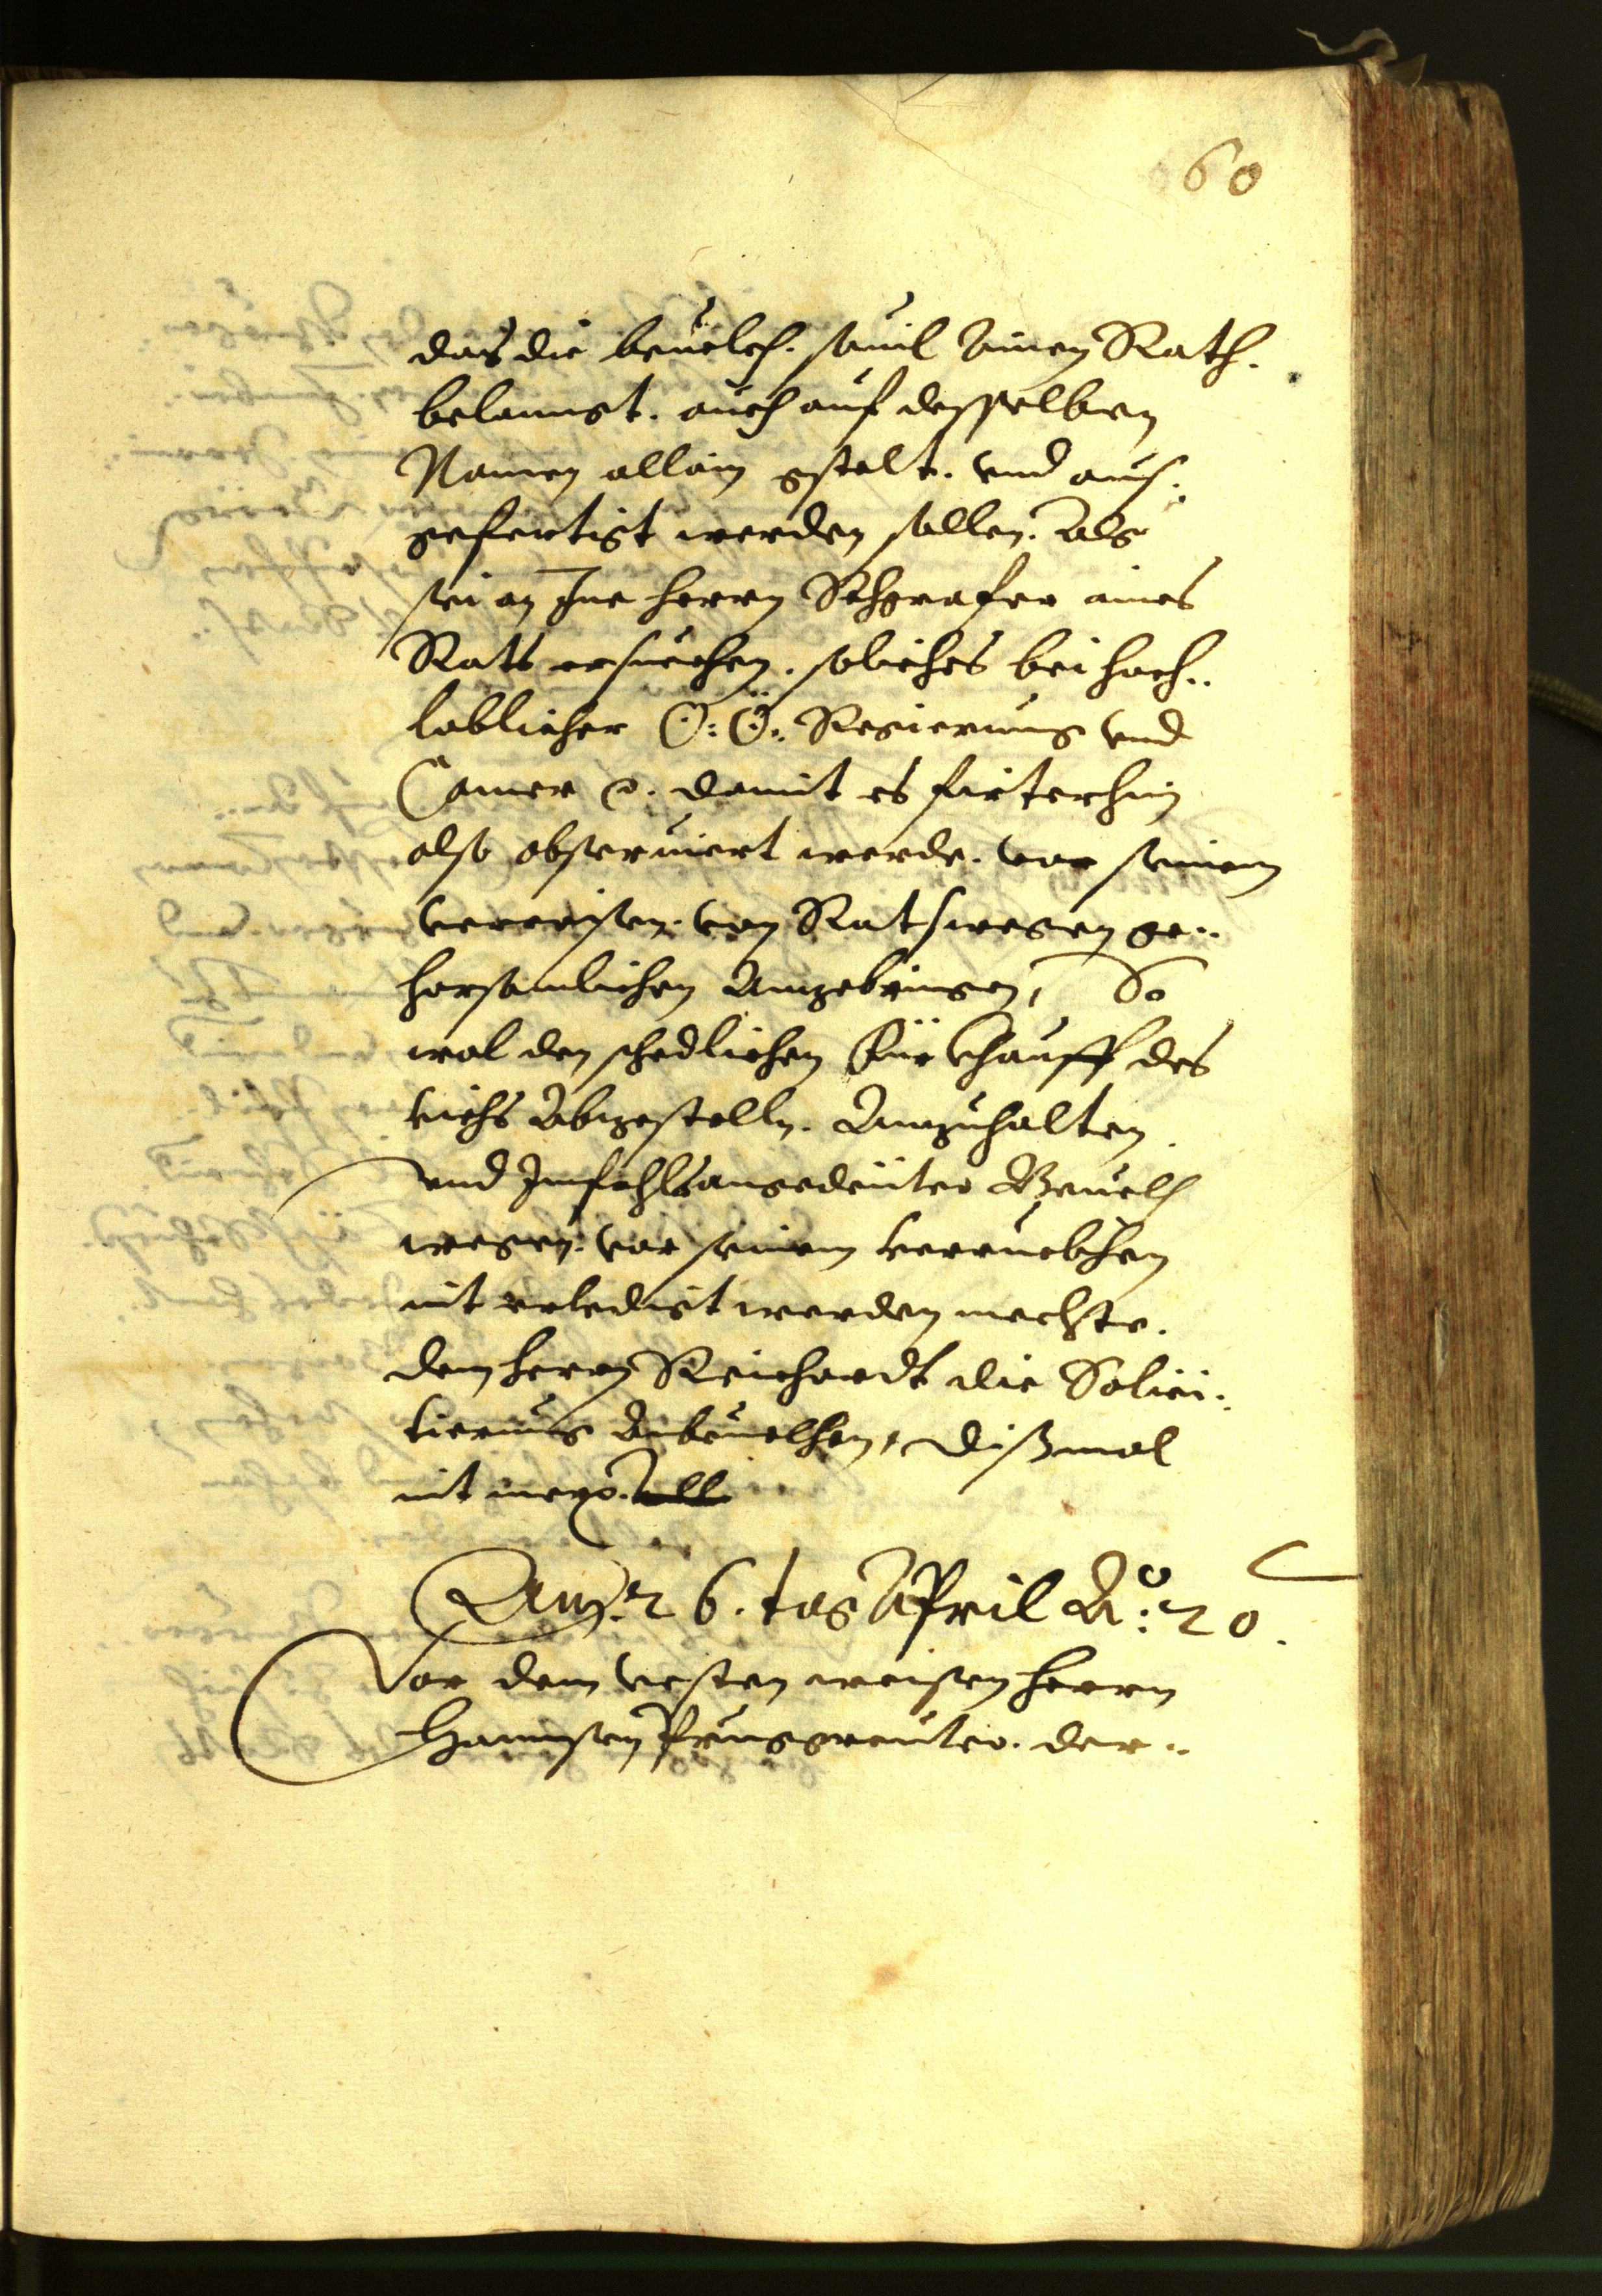60
das die beūelch. soūil Ainen Rath.
belanngt. aūch aūf desselben
Namen allain gestelt. vnd aūs¬
gefertigt werden sollen. Als
sei an Ine herrn Schgrafer aines
Rats ersūechen. soliches bei hoch¬
loblicher O: Ö: Regierūng vnd
Camer etc. damit es firterhin
also obserūiert werde. vor seinem
verreisen. von Ratswegen ge¬
horsamblichen Anzebringen, So
wol den schedlichen Für khaūff des
Viehs Abzestelln. Anzūhalten
vnd Imfahls angedeüter Beūelch
wegen. vor seinem verrūckhen
nit erledigt werden mechte.
dem herrn Reichardt die Solici¬
tierūng Anbeūelhen, dißmal
nit mer etc. All
Am. 26. tag APril Ao: 20t.
Vor dem vesten weisen herrn
Hannsen Prūggreūter. der¬